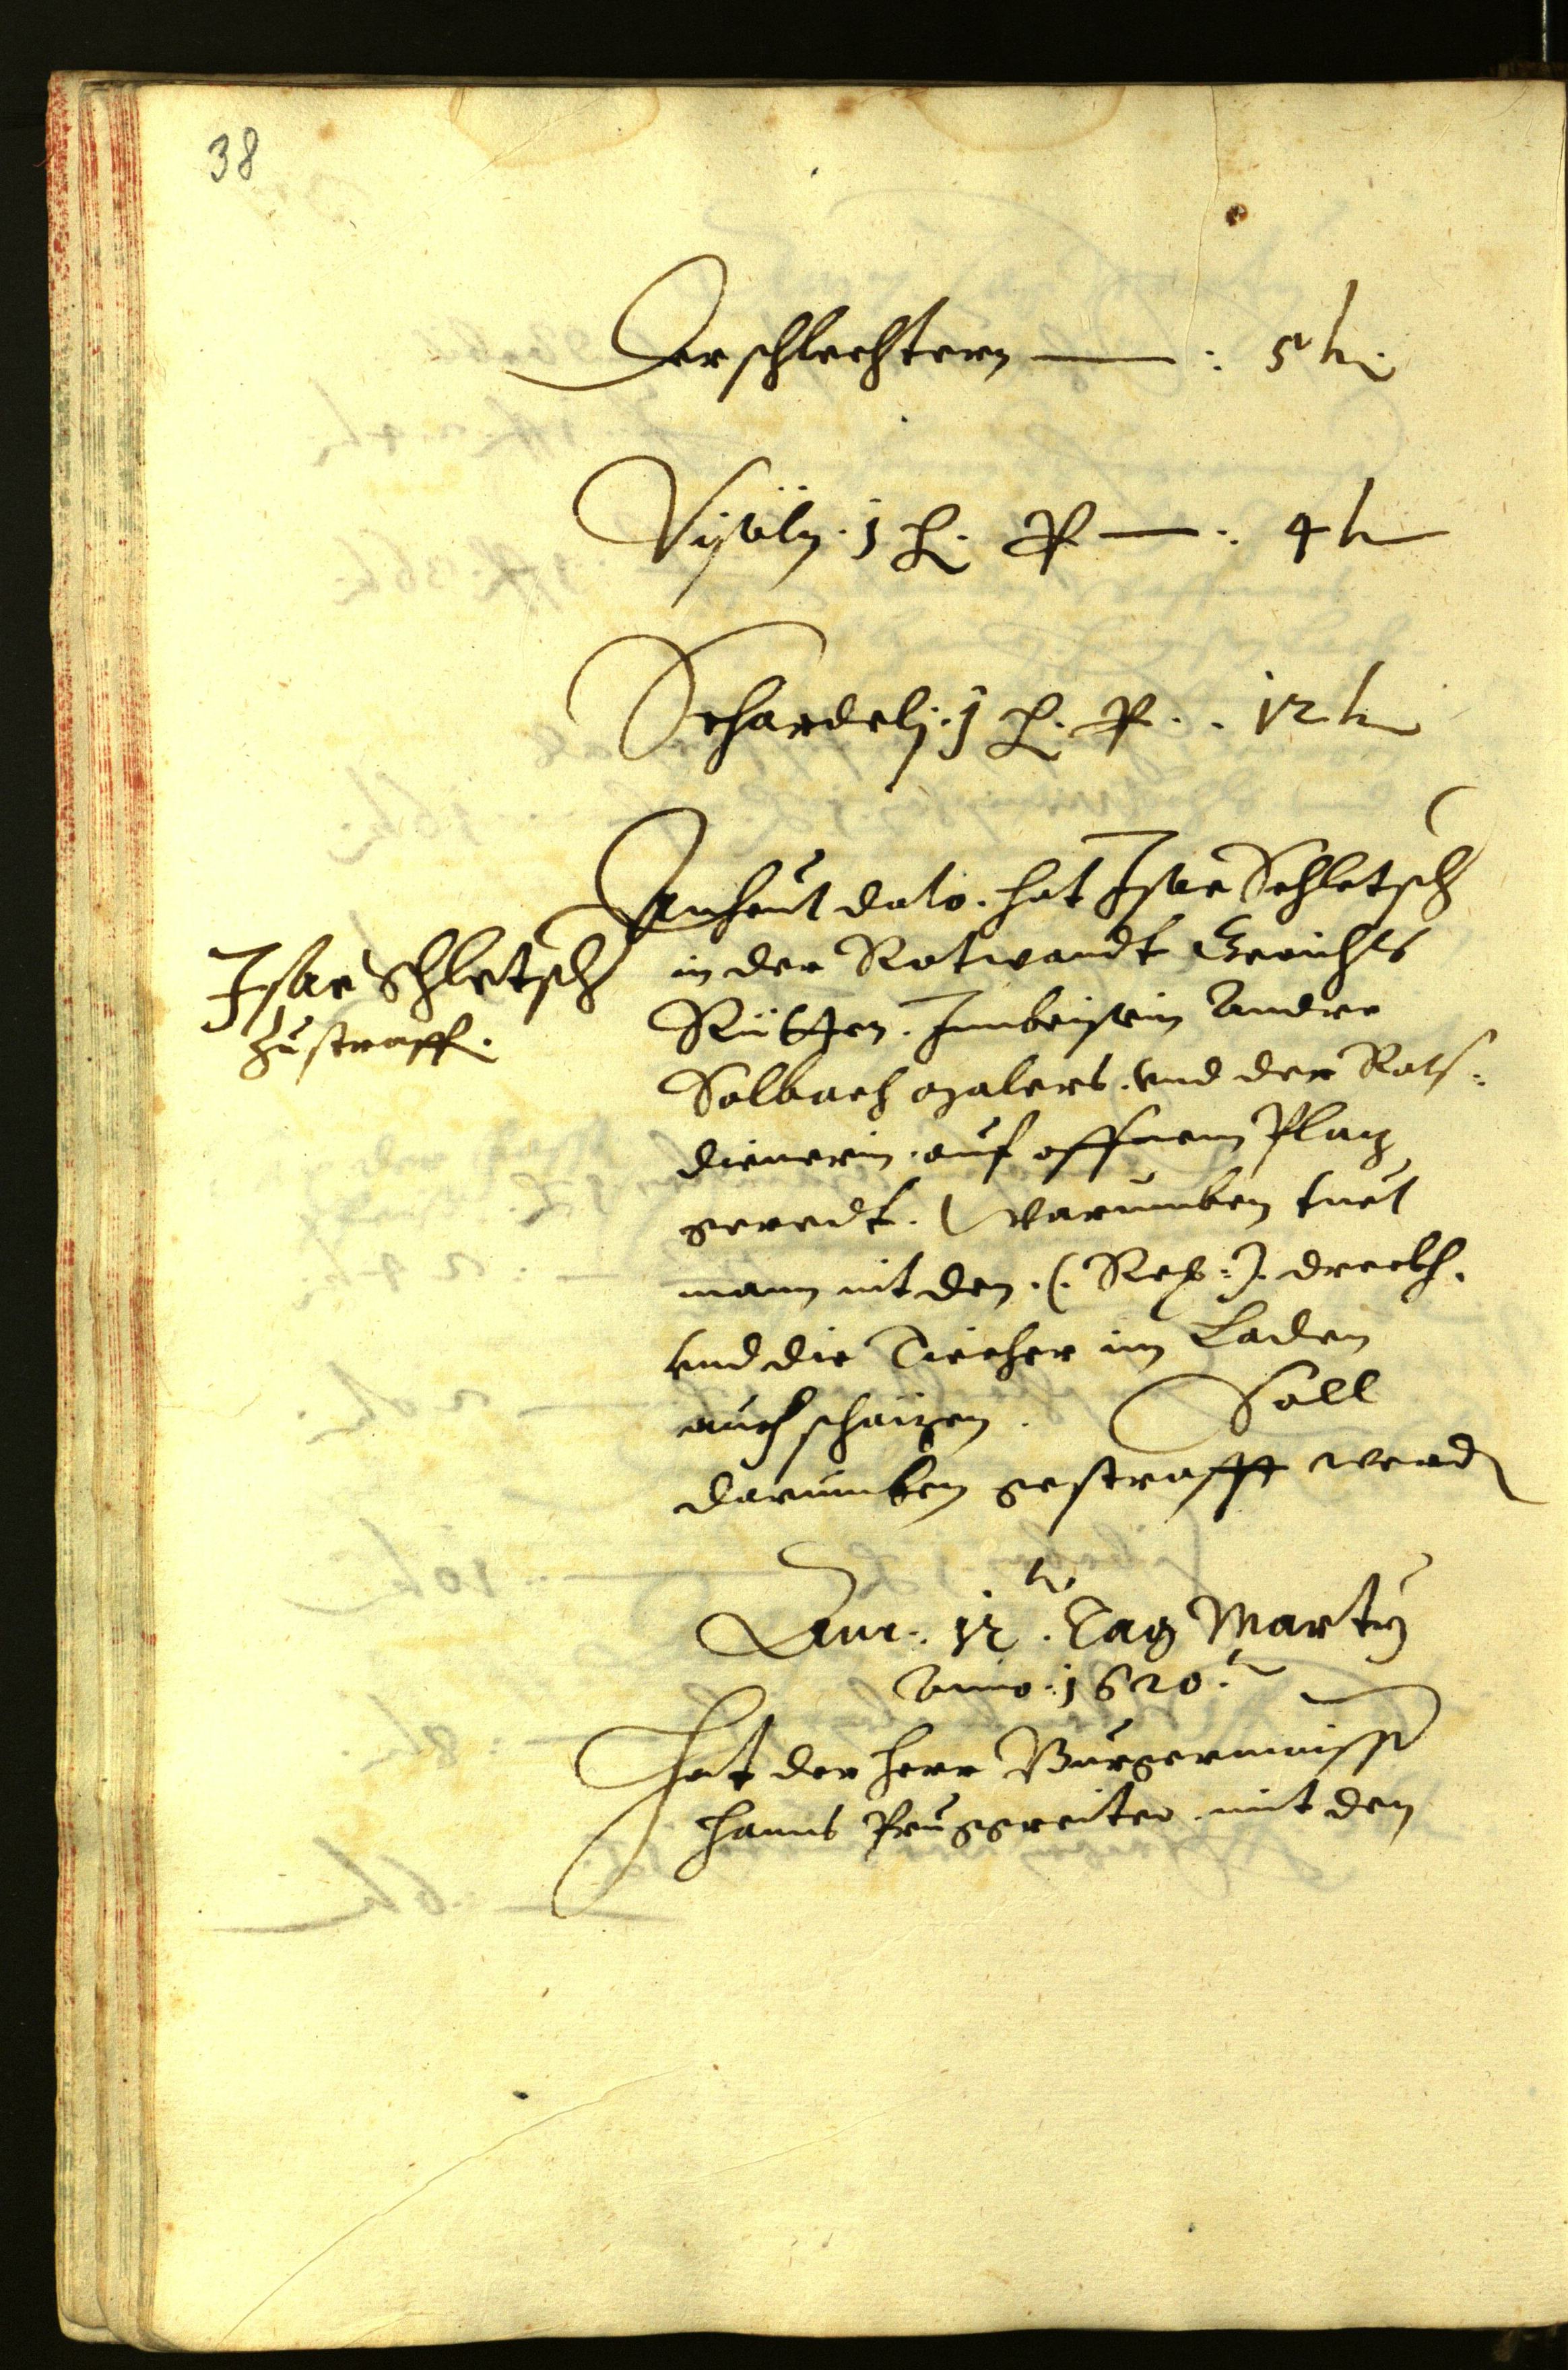38
Der schlechtern —: 5 k.
Visoln. 1 L. P —: 4 k.
Schardeli. 1 L. P. .12 k.
Anheūt dato, hat Isac Schletsch
in der Rotwandt Gerichts
Rütten. Innbeisein Andre
Solbach Malers. vnd der Rats¬
dienerin. aūf offnem Plaz
geredt. Warūmben tūet
man nit den .(.Re:).dreckh
vnd die Tiecher im Laden
aūch schäzen. Soll
darūmben gestrafft werd.
Isac Schletsch
Zū straff.
t
Am: 12. Tag Martȳ
Anno: 1620 t.
Hat der herr Būrgermaisst
Hanns Prūggreiter. mit den